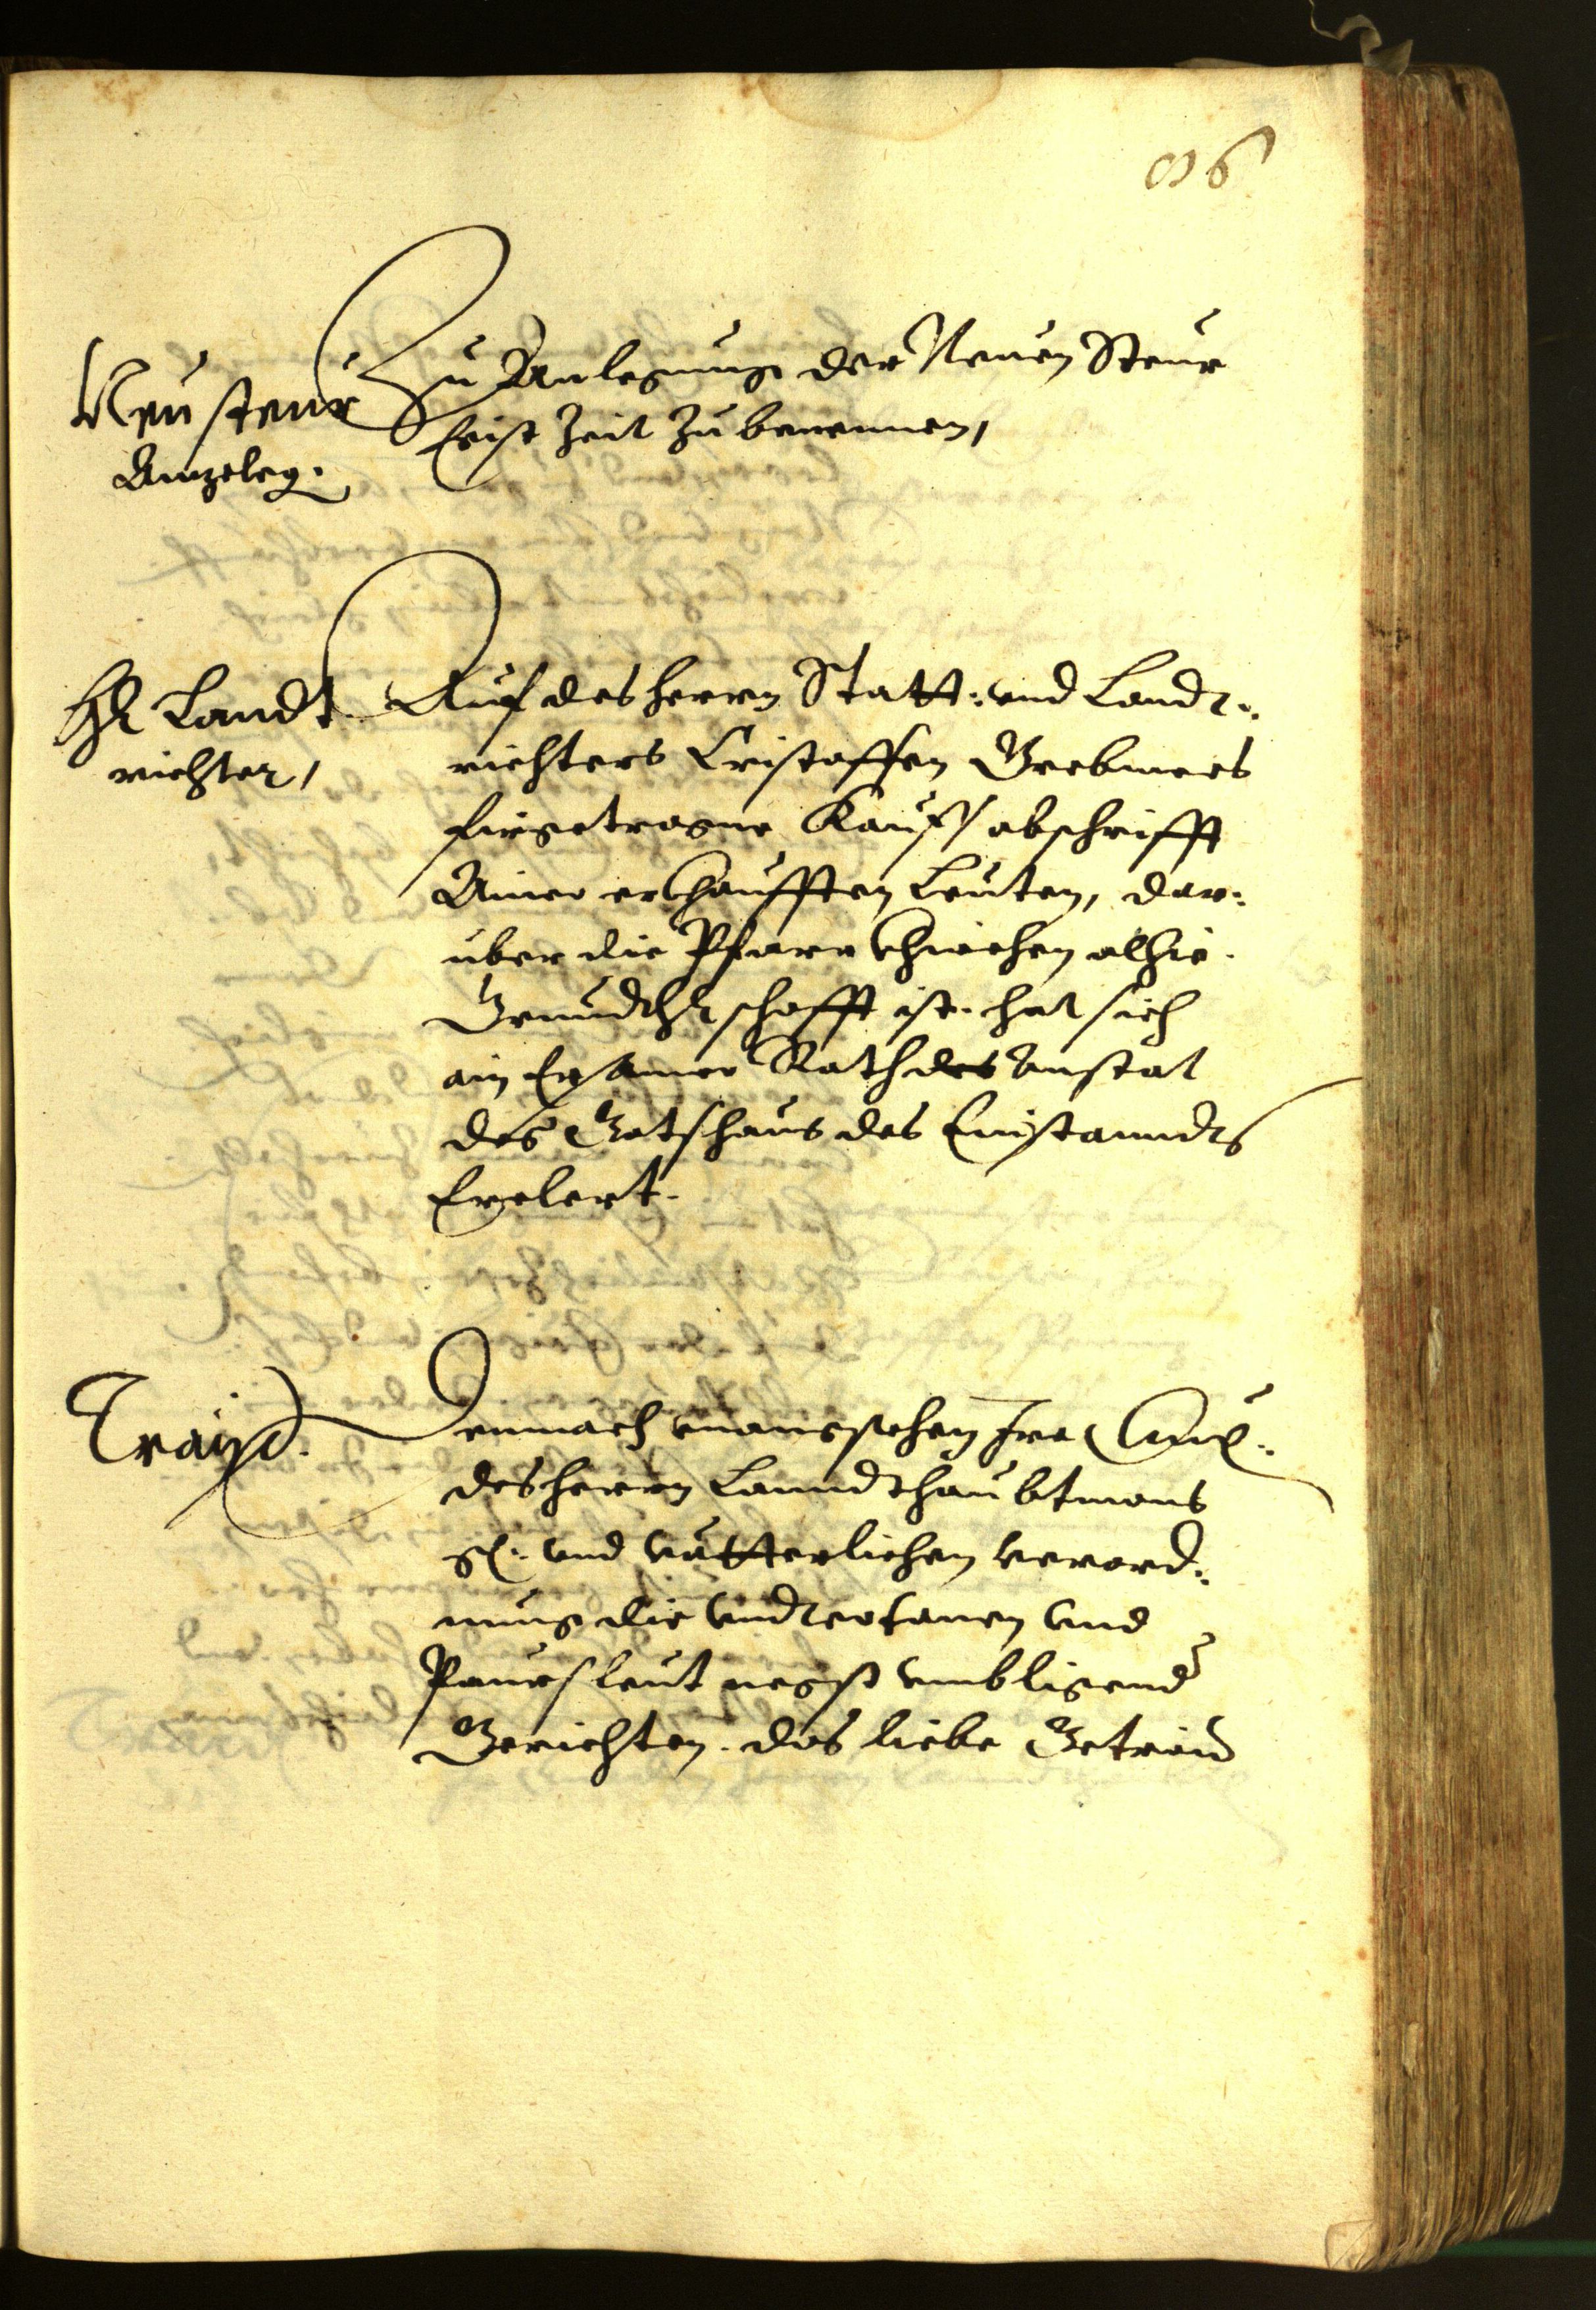86
Zū Anlegūng der Neūen Steūr
Eeist Zeit Zū benennen,
Neū steūr
Anzeleg.
Aūf des herrn Statt: vnd Landt¬
richters Cristoffen Grebmers
firgetragne Kaūfsabschrifft
Ainer erkhaūfften Leūten, dar¬
ūber die Pfarr khirchen alhie.
Grūndthschafft ist. hat sich
ain Ersamer Rath des Anstat
des Gotshaūs des Einstanndts
Erclert.
Hl Landt-
richter,
Demnach vnangsehen Ire Gn:
des herrn Lanndthaūbtmans
g: vnd vätterlichen verord¬
nūng die vndtertanen vnd
Paūrsleūt negst vmbligend
Gerichten. das liebe Getreid
Traÿd.